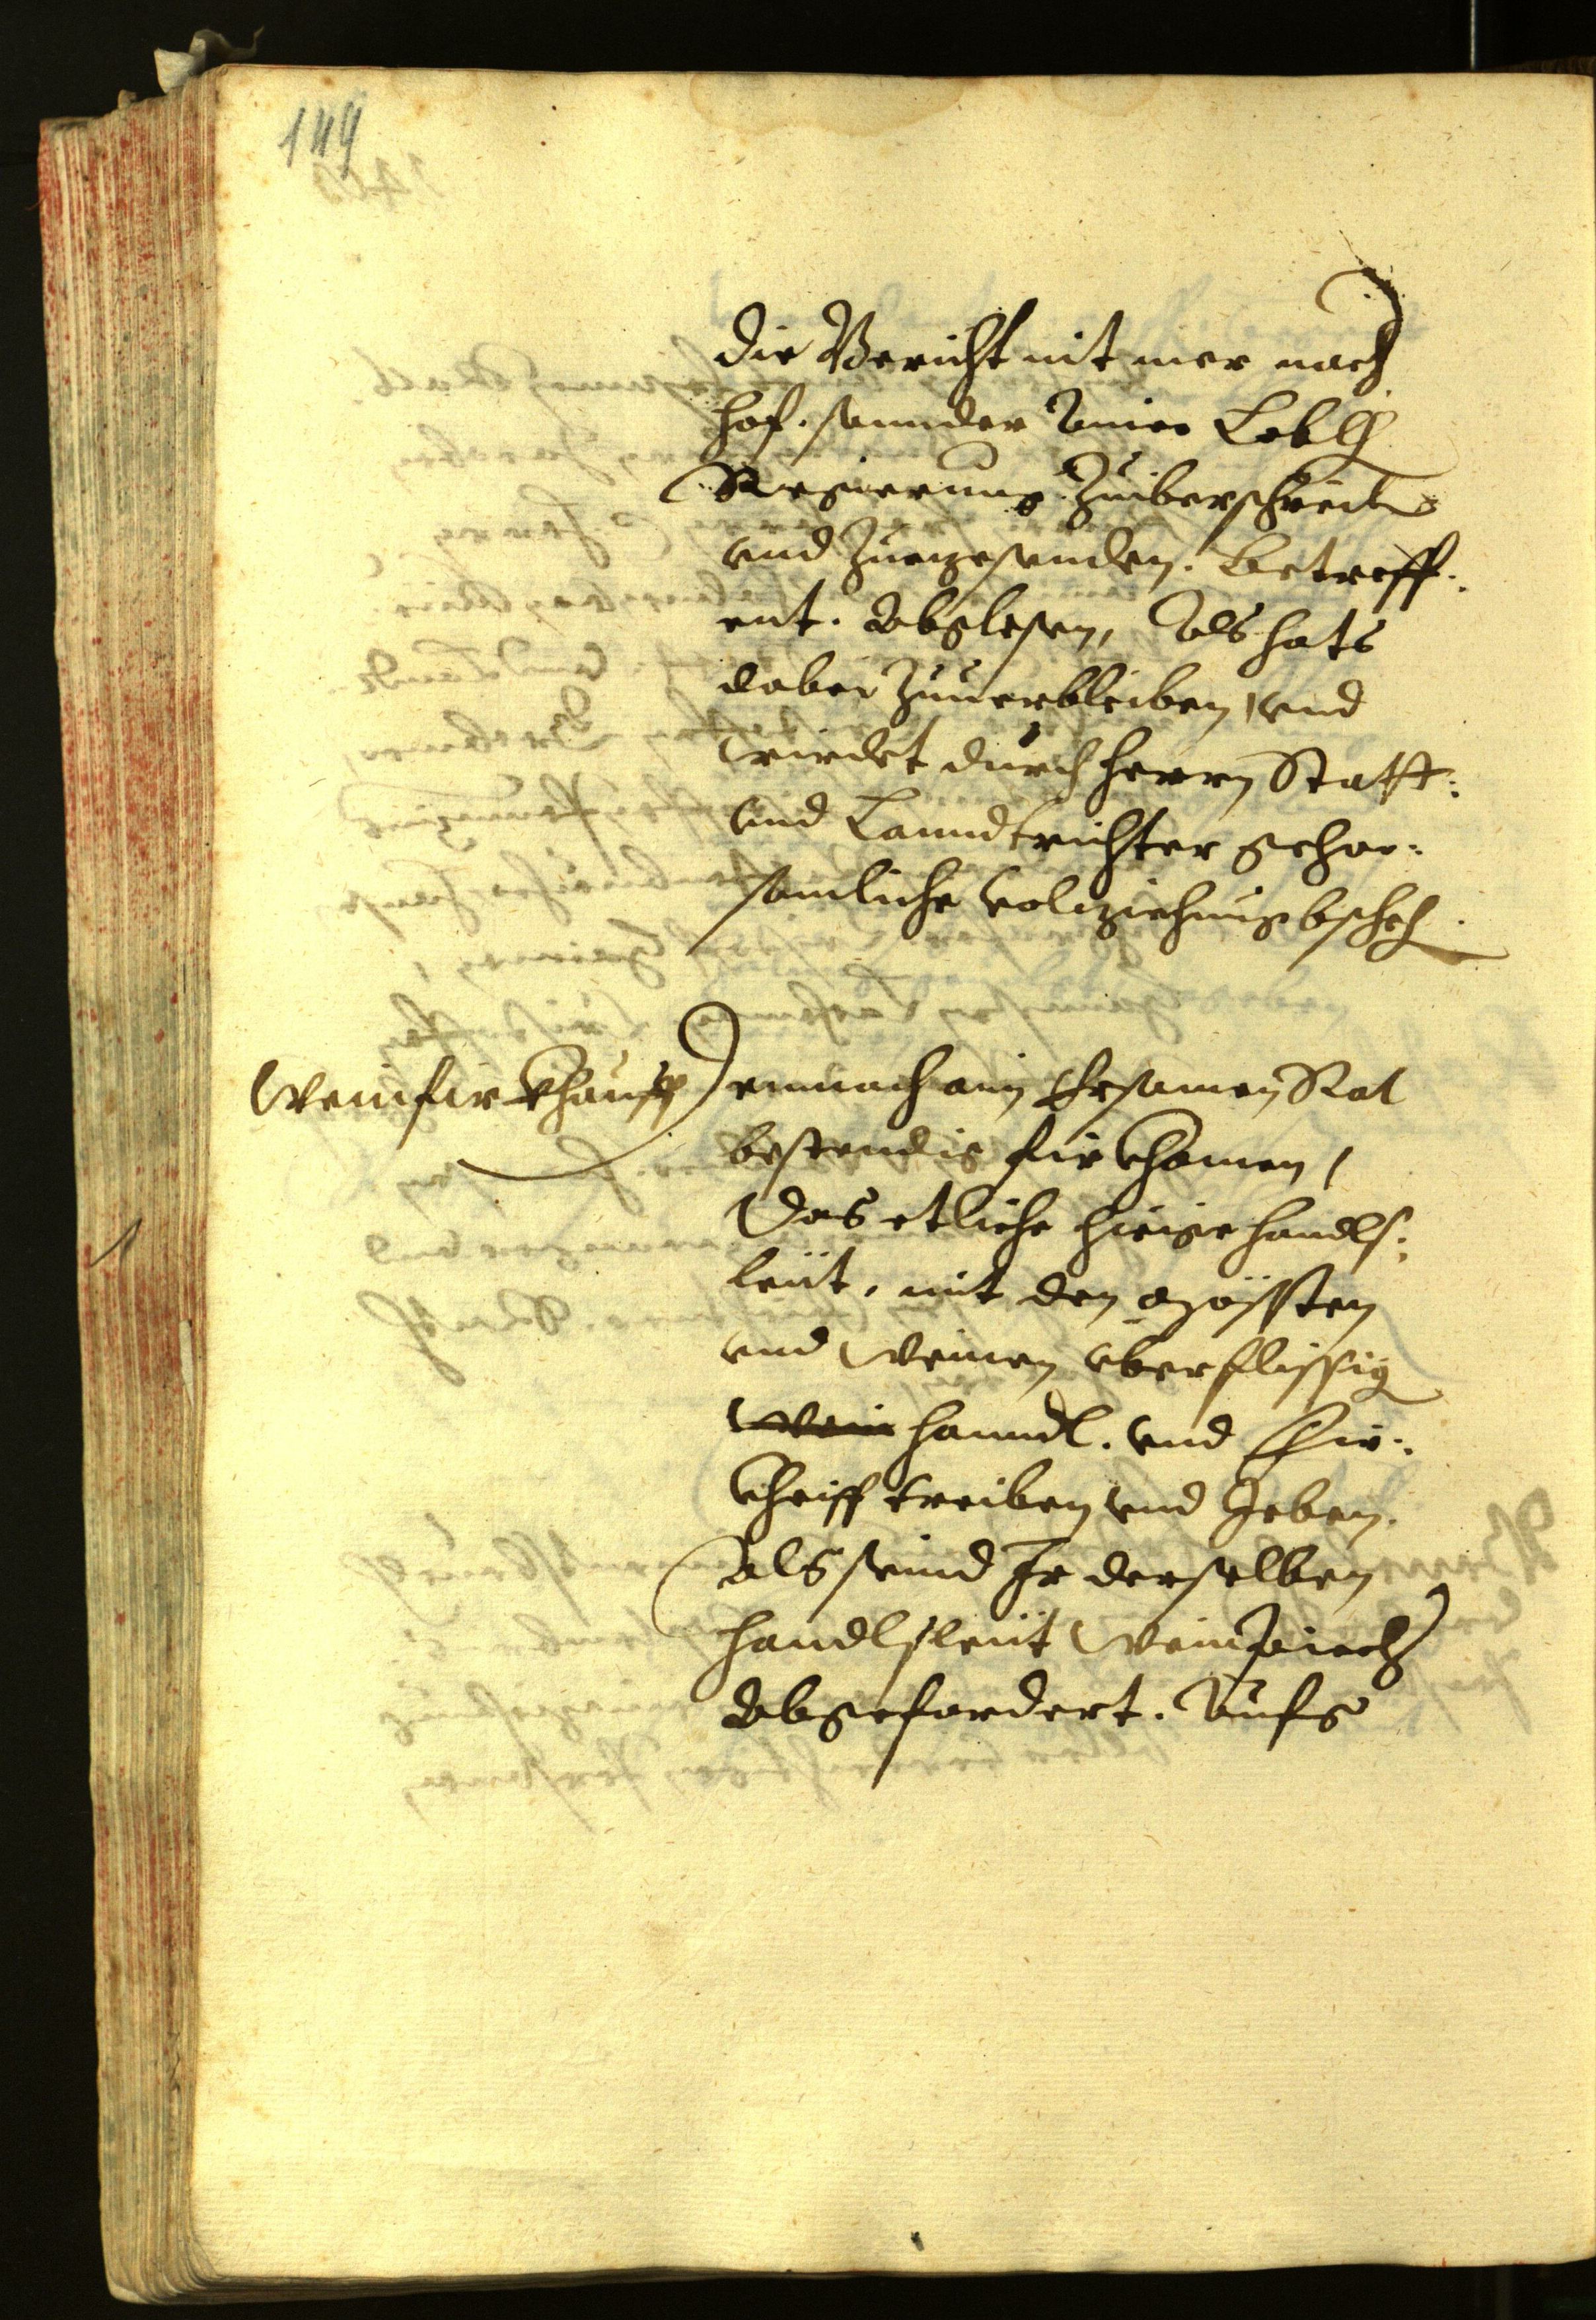149
die Bericht nit mer nach
hof. sonnder Ainer Lobl
Regierūng Zūiberschickh
vnd Zūezesenden. Betreff¬
ent. Abglesen, Als hats
dabei Zūūerbleiben, vnd
wirdet dūrch herrn Statt¬
vnd Lanndtrichter gehor¬
samliche volziehūng bscheh.
Demnach aim Ersamen Rat
bestendig fir khomen,
Das etliche hieige handls¬
leüt, mit den Mössten
vnd Weinen v̈berflissig
Wein hanndl. vnd fir¬
kheiff treiben vnd Jeben.
Als seind Ir derselben
handlsleüt Wein Piech
Abgefordert. Aūfs
Wein fir khaūff